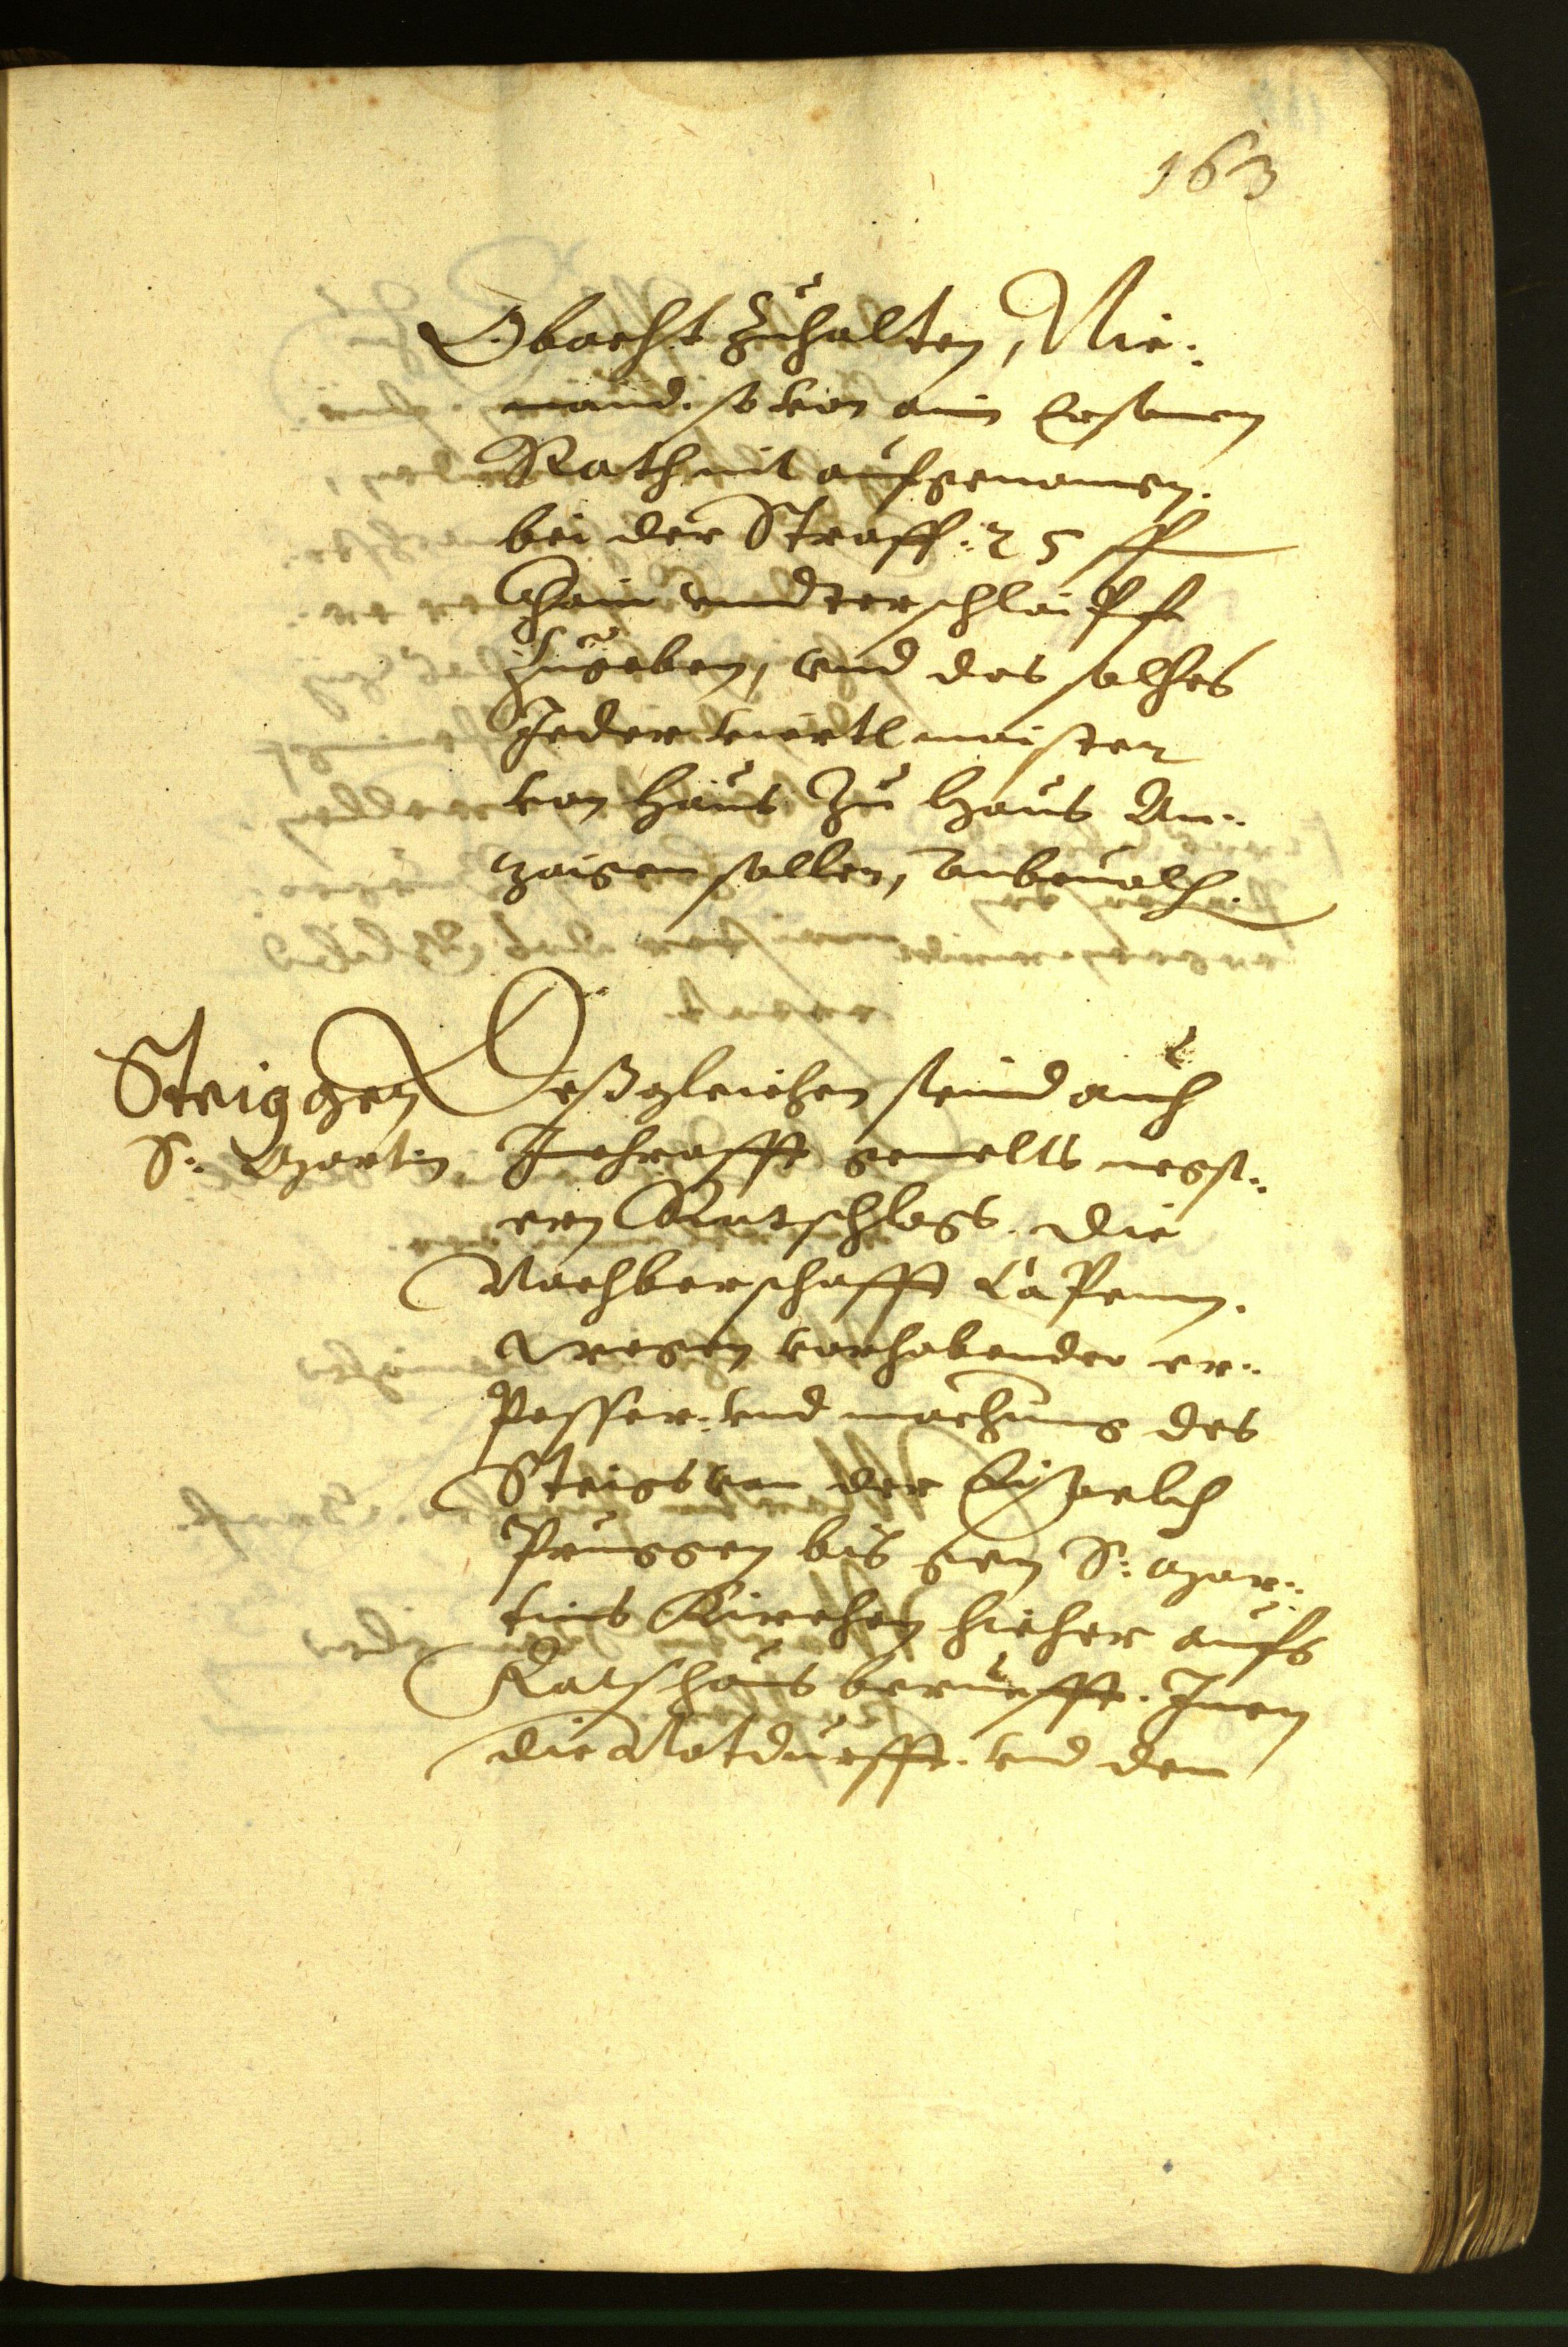163
Obacht Zūhalten, Nie¬
mand. so von aim Ersamen
Rath nit aūfgenomen.
bei der Straff: 25 fl
khain vnndterschlaipf
Zūgeben, vnd das solhes
Jeder viertlmaister
von Haūs Zū Haūs An¬
zaigen sollen, Anbeūolh.
Deßgleichen seind aūch
Inchrafft gemelts negst¬
ern Ratschlags. die
Nachberschafft CaPenn.
wegen vorhabender er¬
Pesser: vnd machūng des
Steigs von der Eisackh
Prūggen bis gen S: Mar¬
tins Kirchen hieher aūfs
Ratshaūs berūefft. Inen
die Notdūrfft. vnd den
Steig gen
S: Martin